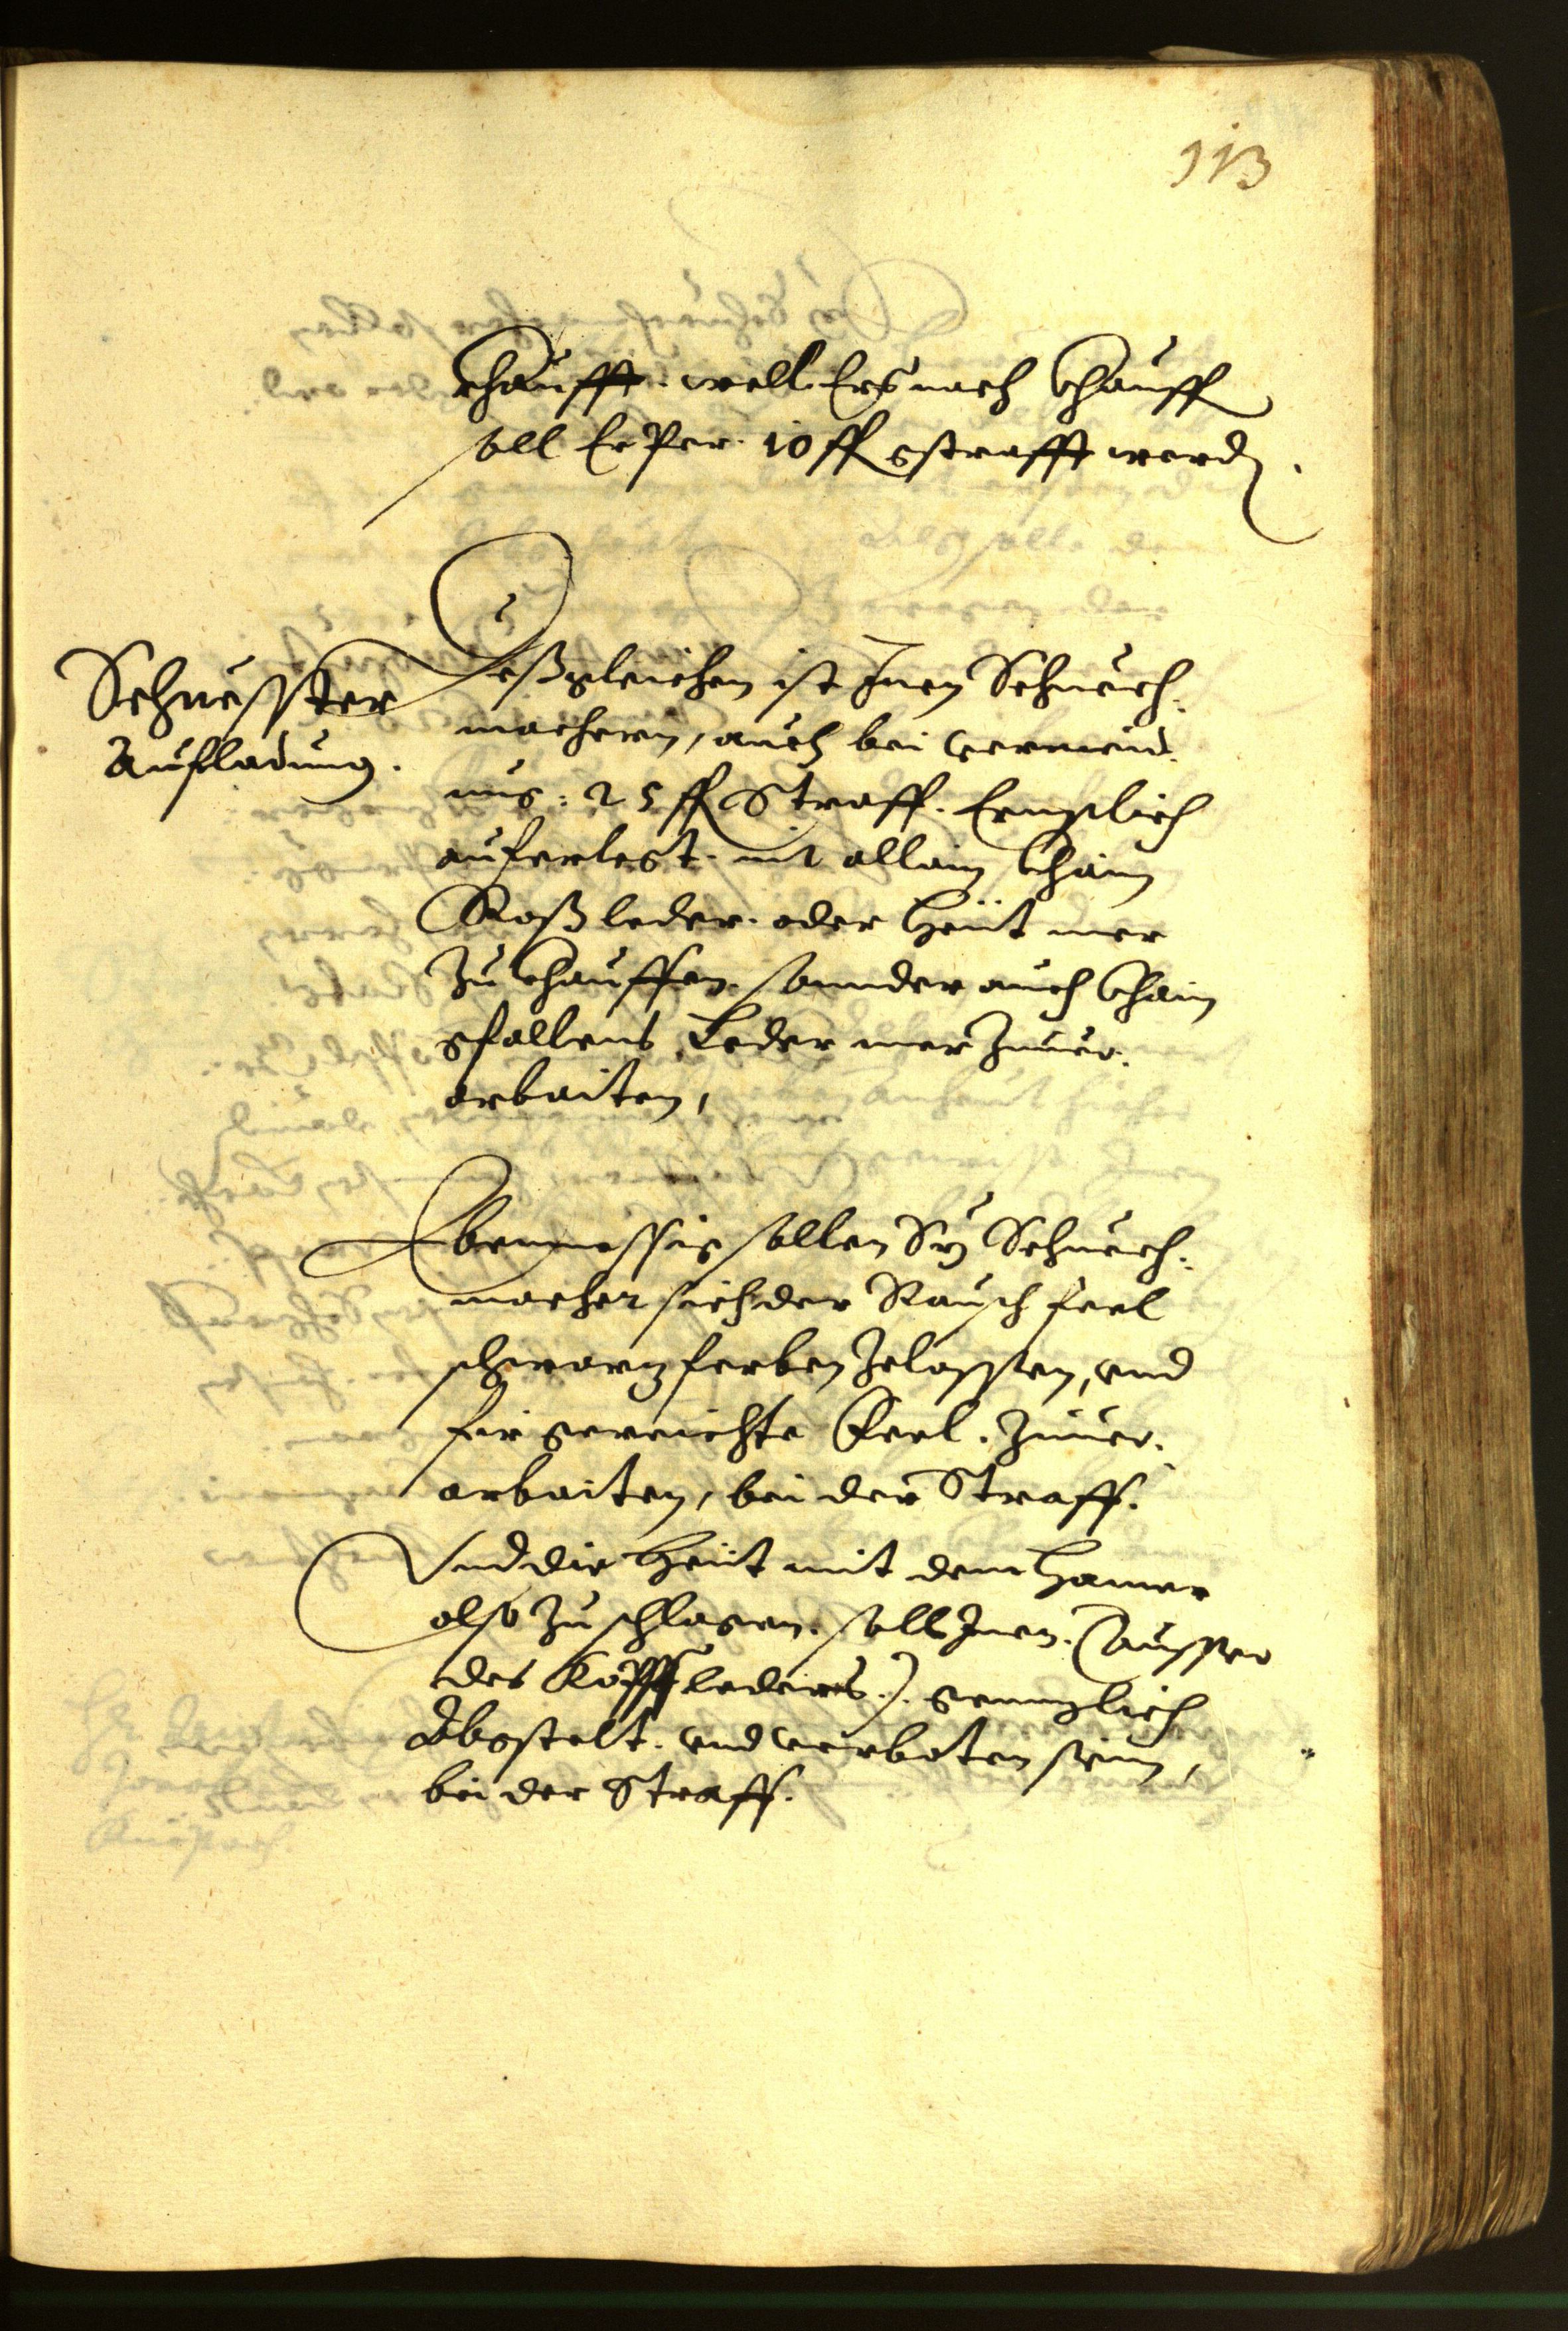113
khaūfft. well Ers noch khaūff
soll Er Per 10 fl gstrafft werd.
Deßgleichen ist Inen Schūech¬
machern, aūch bei vermeid¬
ūng: 25 fl Straff. Ernstlich
aūferlegt. nit allain khain
Roßleder. oder Heüt mer
Zū khaūffen. sonnder aūch khain
gfallens Leder mer Zūūer¬
arbaiten,
Schūesster
Aūfladūng.
Ebenmessig sollen Sȳ Schūech¬
macher sich der Raūsch feel
schwarz ferben Zelassen, vnd
fir gereichte Feel. Zūūer¬
arbaiten, bei der Straff.
Vnd die Heüt mit dem Hamer
also Zū schlagen. soll Inen. (Aūsser
des Kopfs leders.). gennzlich
Abgstelt. vnd verboten sein,
bei der Straff.